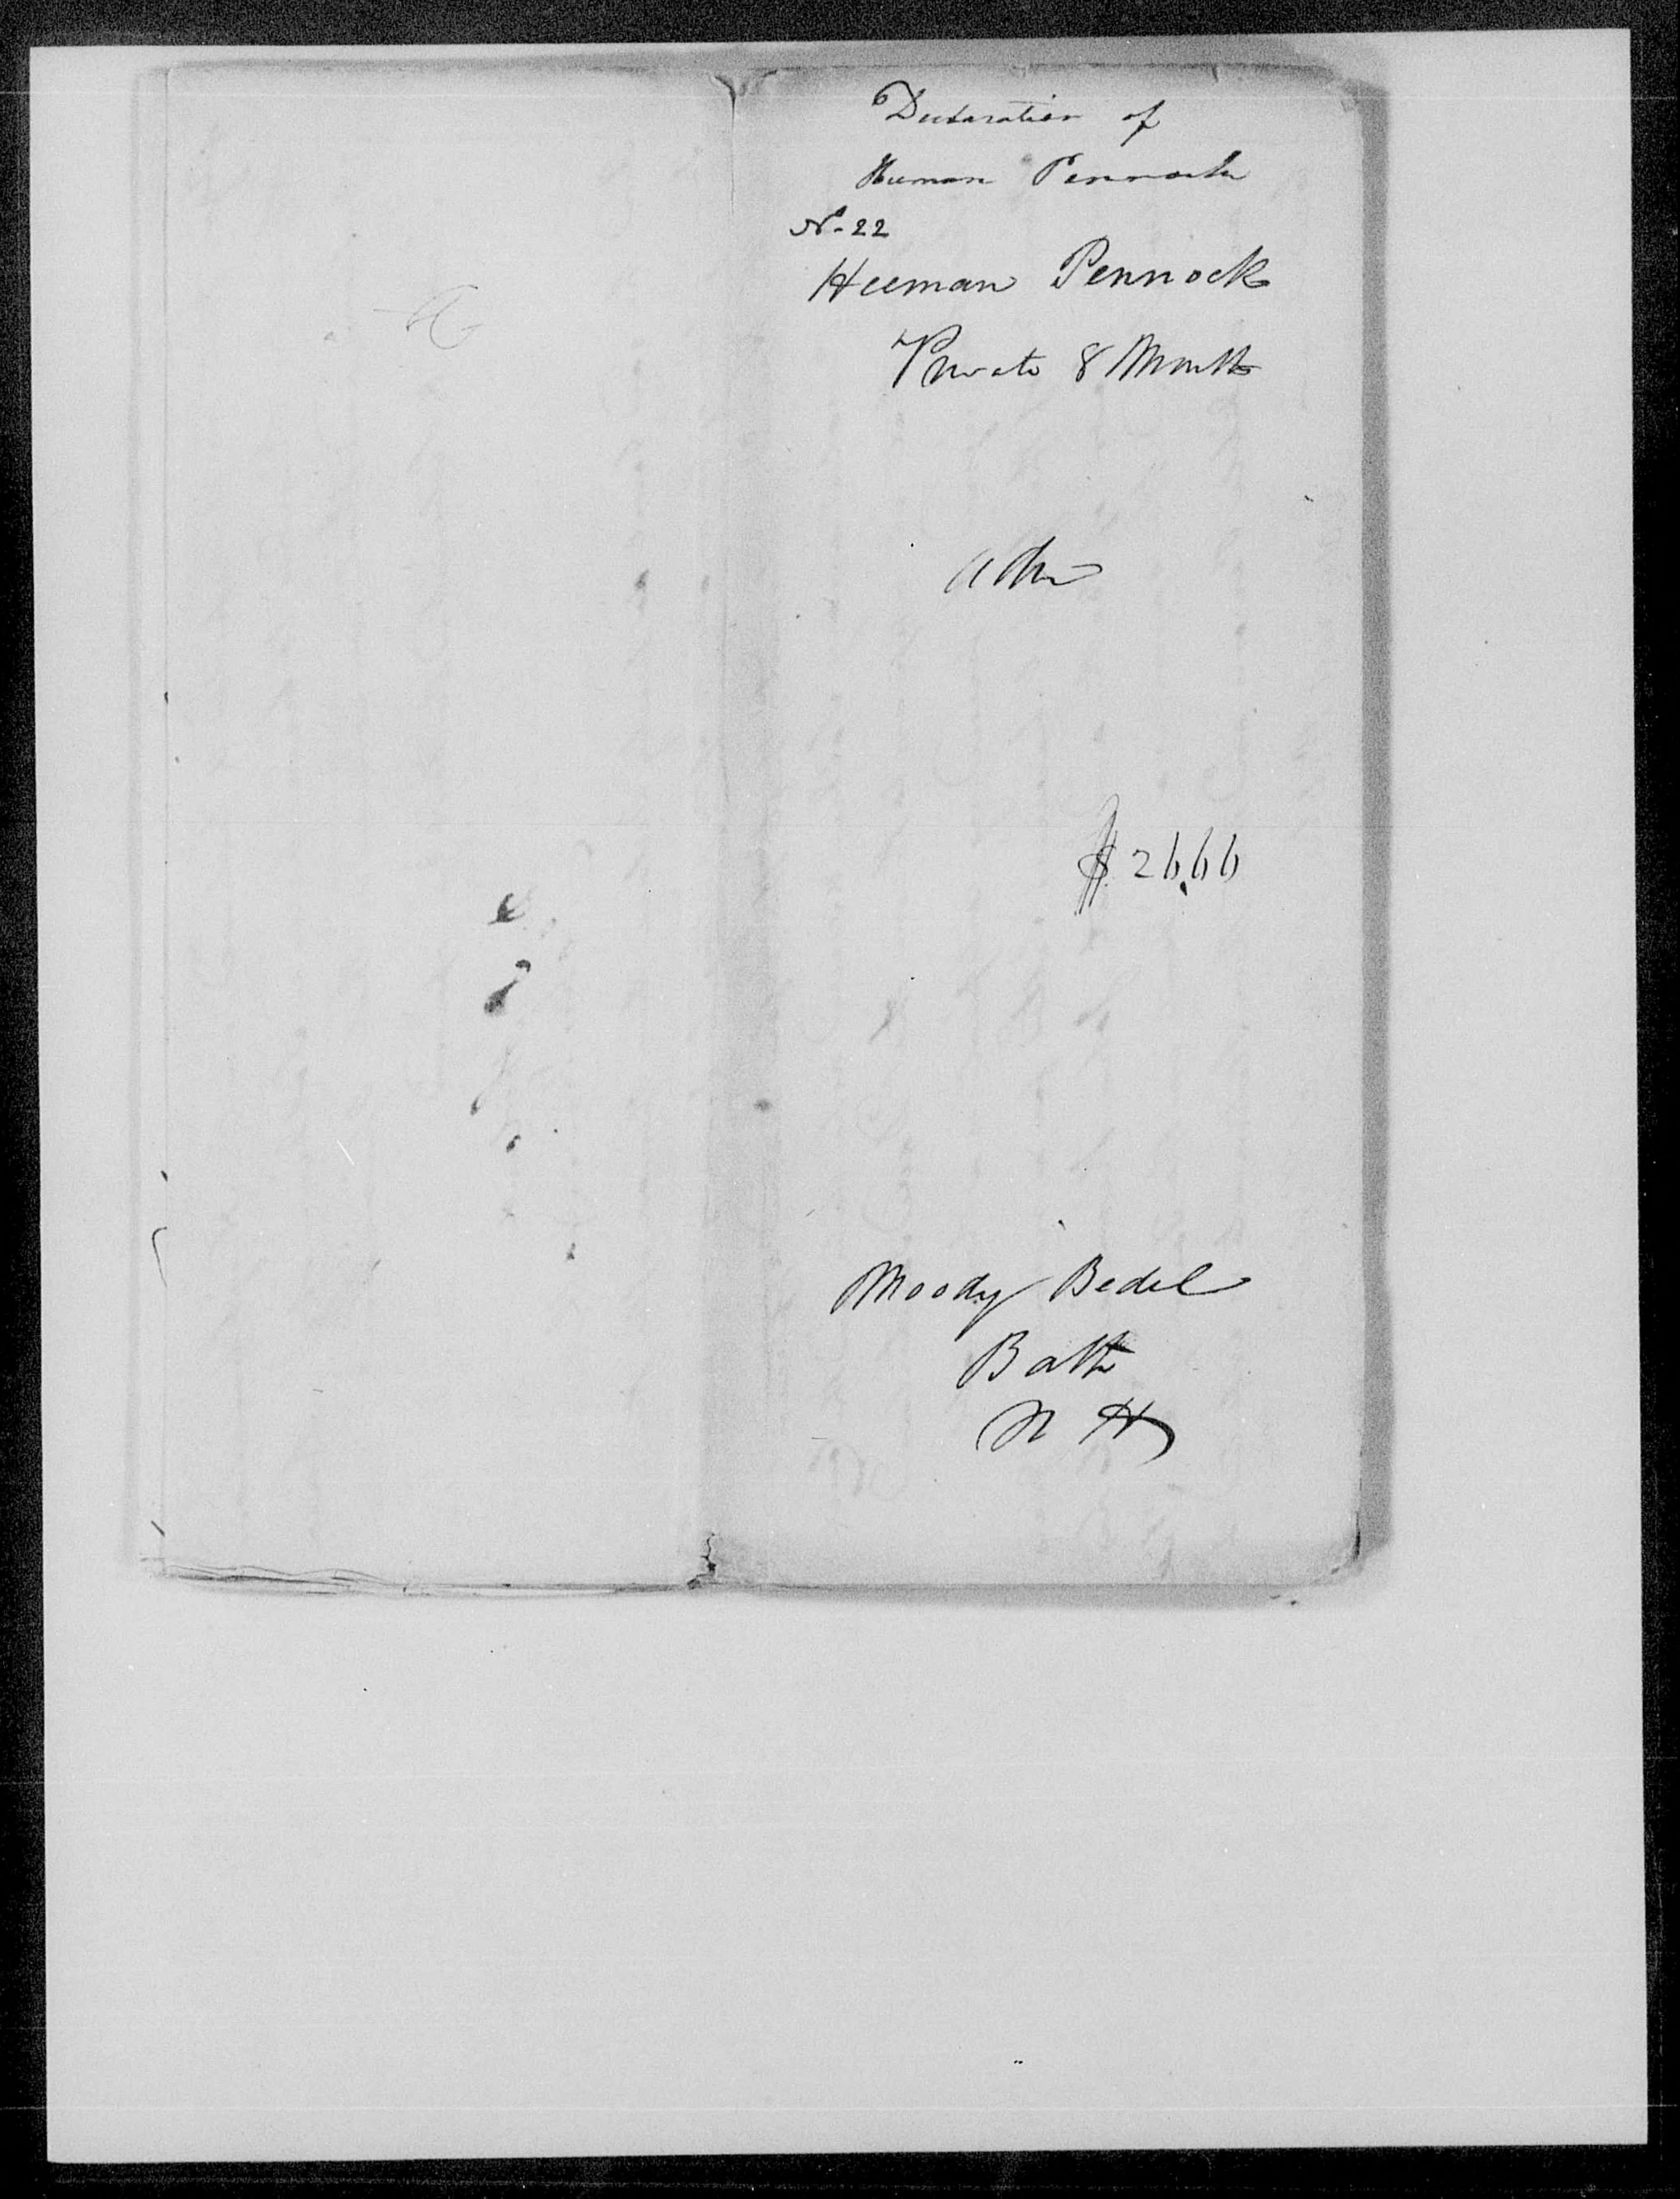Declaration of
Haman Pennock
N-22

Haman Pennock
Private 8 Months

[illegible]

$26.66

Moody Bedel
Bath
N H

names: Herman Pennock; Moody Bedel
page: 4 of 12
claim: survivor's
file: S. 18,158, for Haman Pennock, Vermont